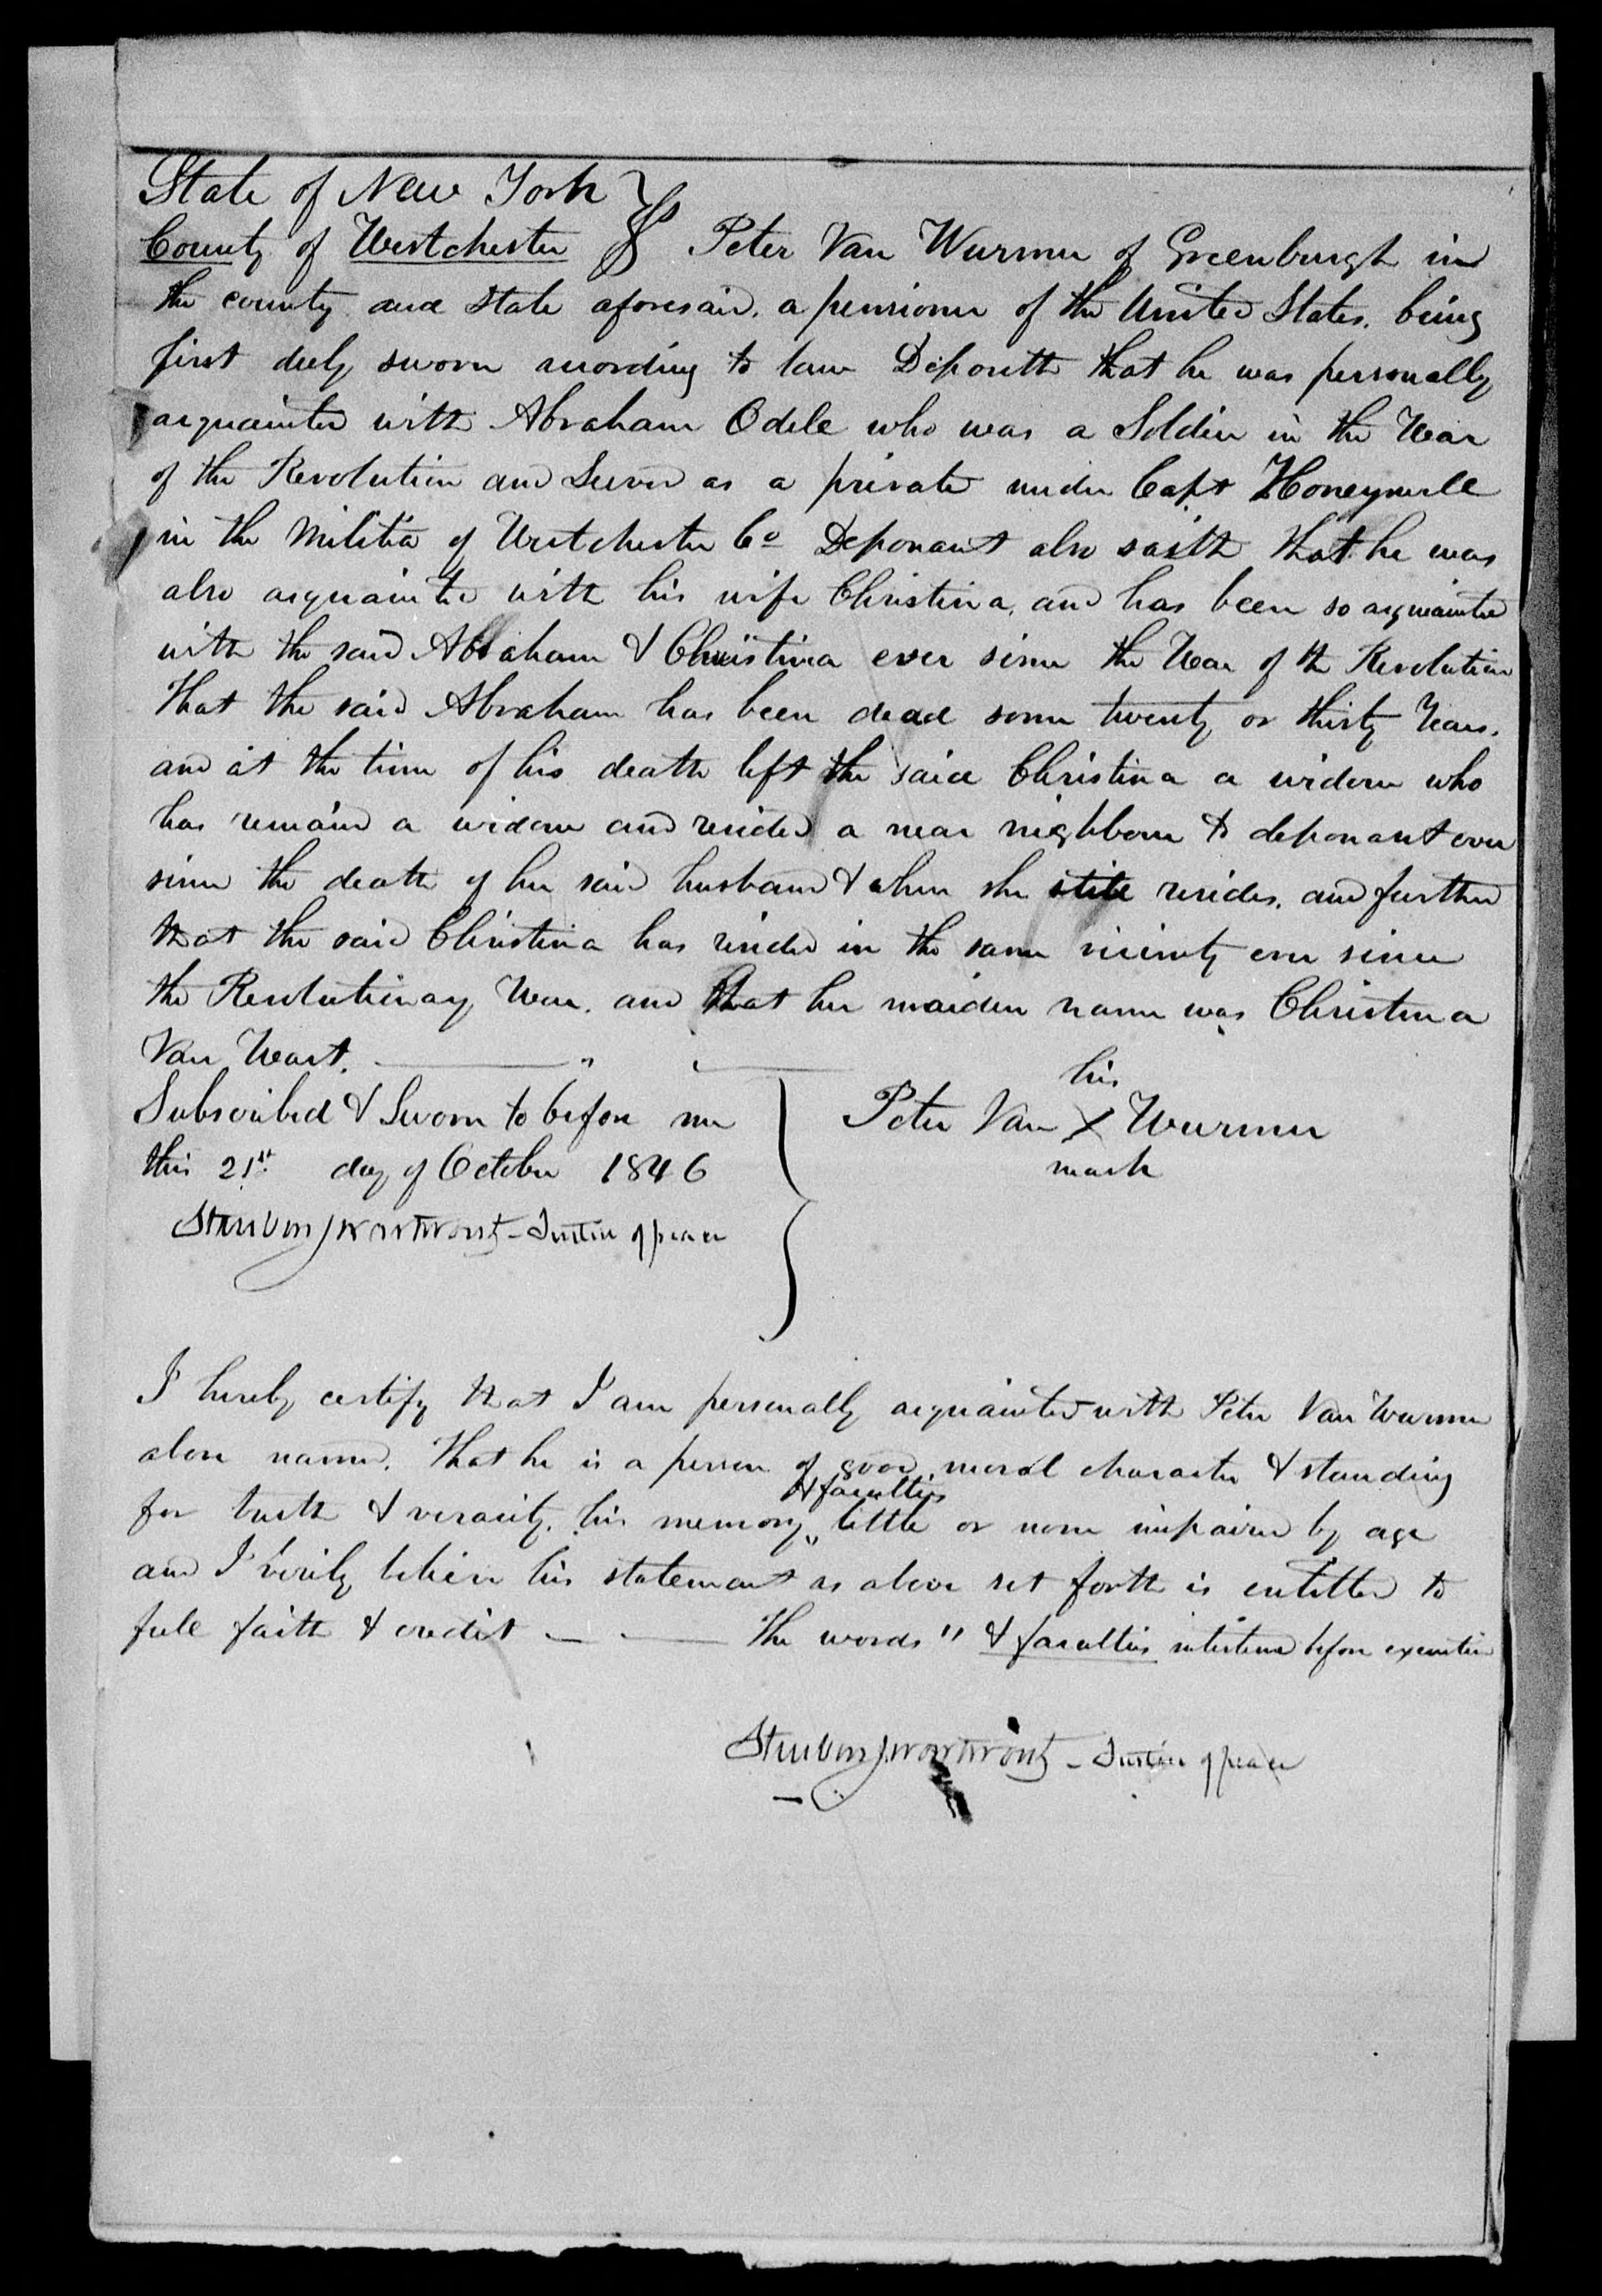State of New York County of Westchester [county name underlined] } Ss 
Peter Van Warner of Greenburgh in the County and State aforesaid, a pensioner of the United States, being first duly sworn according to law Deposeth that he was personally acquainted with Abraham Odele who was a Soldier in the War of the Revolution and served as a private under Capt Honeywell in the Militia of Westchester Co. Deponant also saith that he was also acquainted with his wife Christina, and has been so acquainted with the said Abraham & Christina ever since the War of the Revolution That the said Abraham has been dead some twenty or thirty years. and at the time of his death left the said Christina a widow who has remained a widow and resided a near neighbor to deponent ever since the death of her said husband & where she still resides, and further that the said Christina has resided in the same vicinity ever since the Revolutionary War, and that her maiden name was Christina Van Wart. --- Peter his X mark Van Warner

Subscribed & Sworn to before me this 21st day of October 1846} 
Steuben J Wartworst -- Justice of peace [signature] 

I hereby certify that I am personally acquainted with Peter Van Warner above named. That he is a person of good, moral character & standing for truth & veracity. his memory [& faculties -- inserted] little or none impaired by age and I verily believe his statement as above set forth is entitled to full faith & credit -- - The words "& faculties" interlined before execution Steuben J Wartworst -- Justice of peace [signature]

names: Peter Van Warmer; Abraham Odell; [BLANK] Honeywell; Steuben J Wartworst; Christina Van Wart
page: 7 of 19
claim: widow's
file: W. 24363, for Abraham Odell, New York